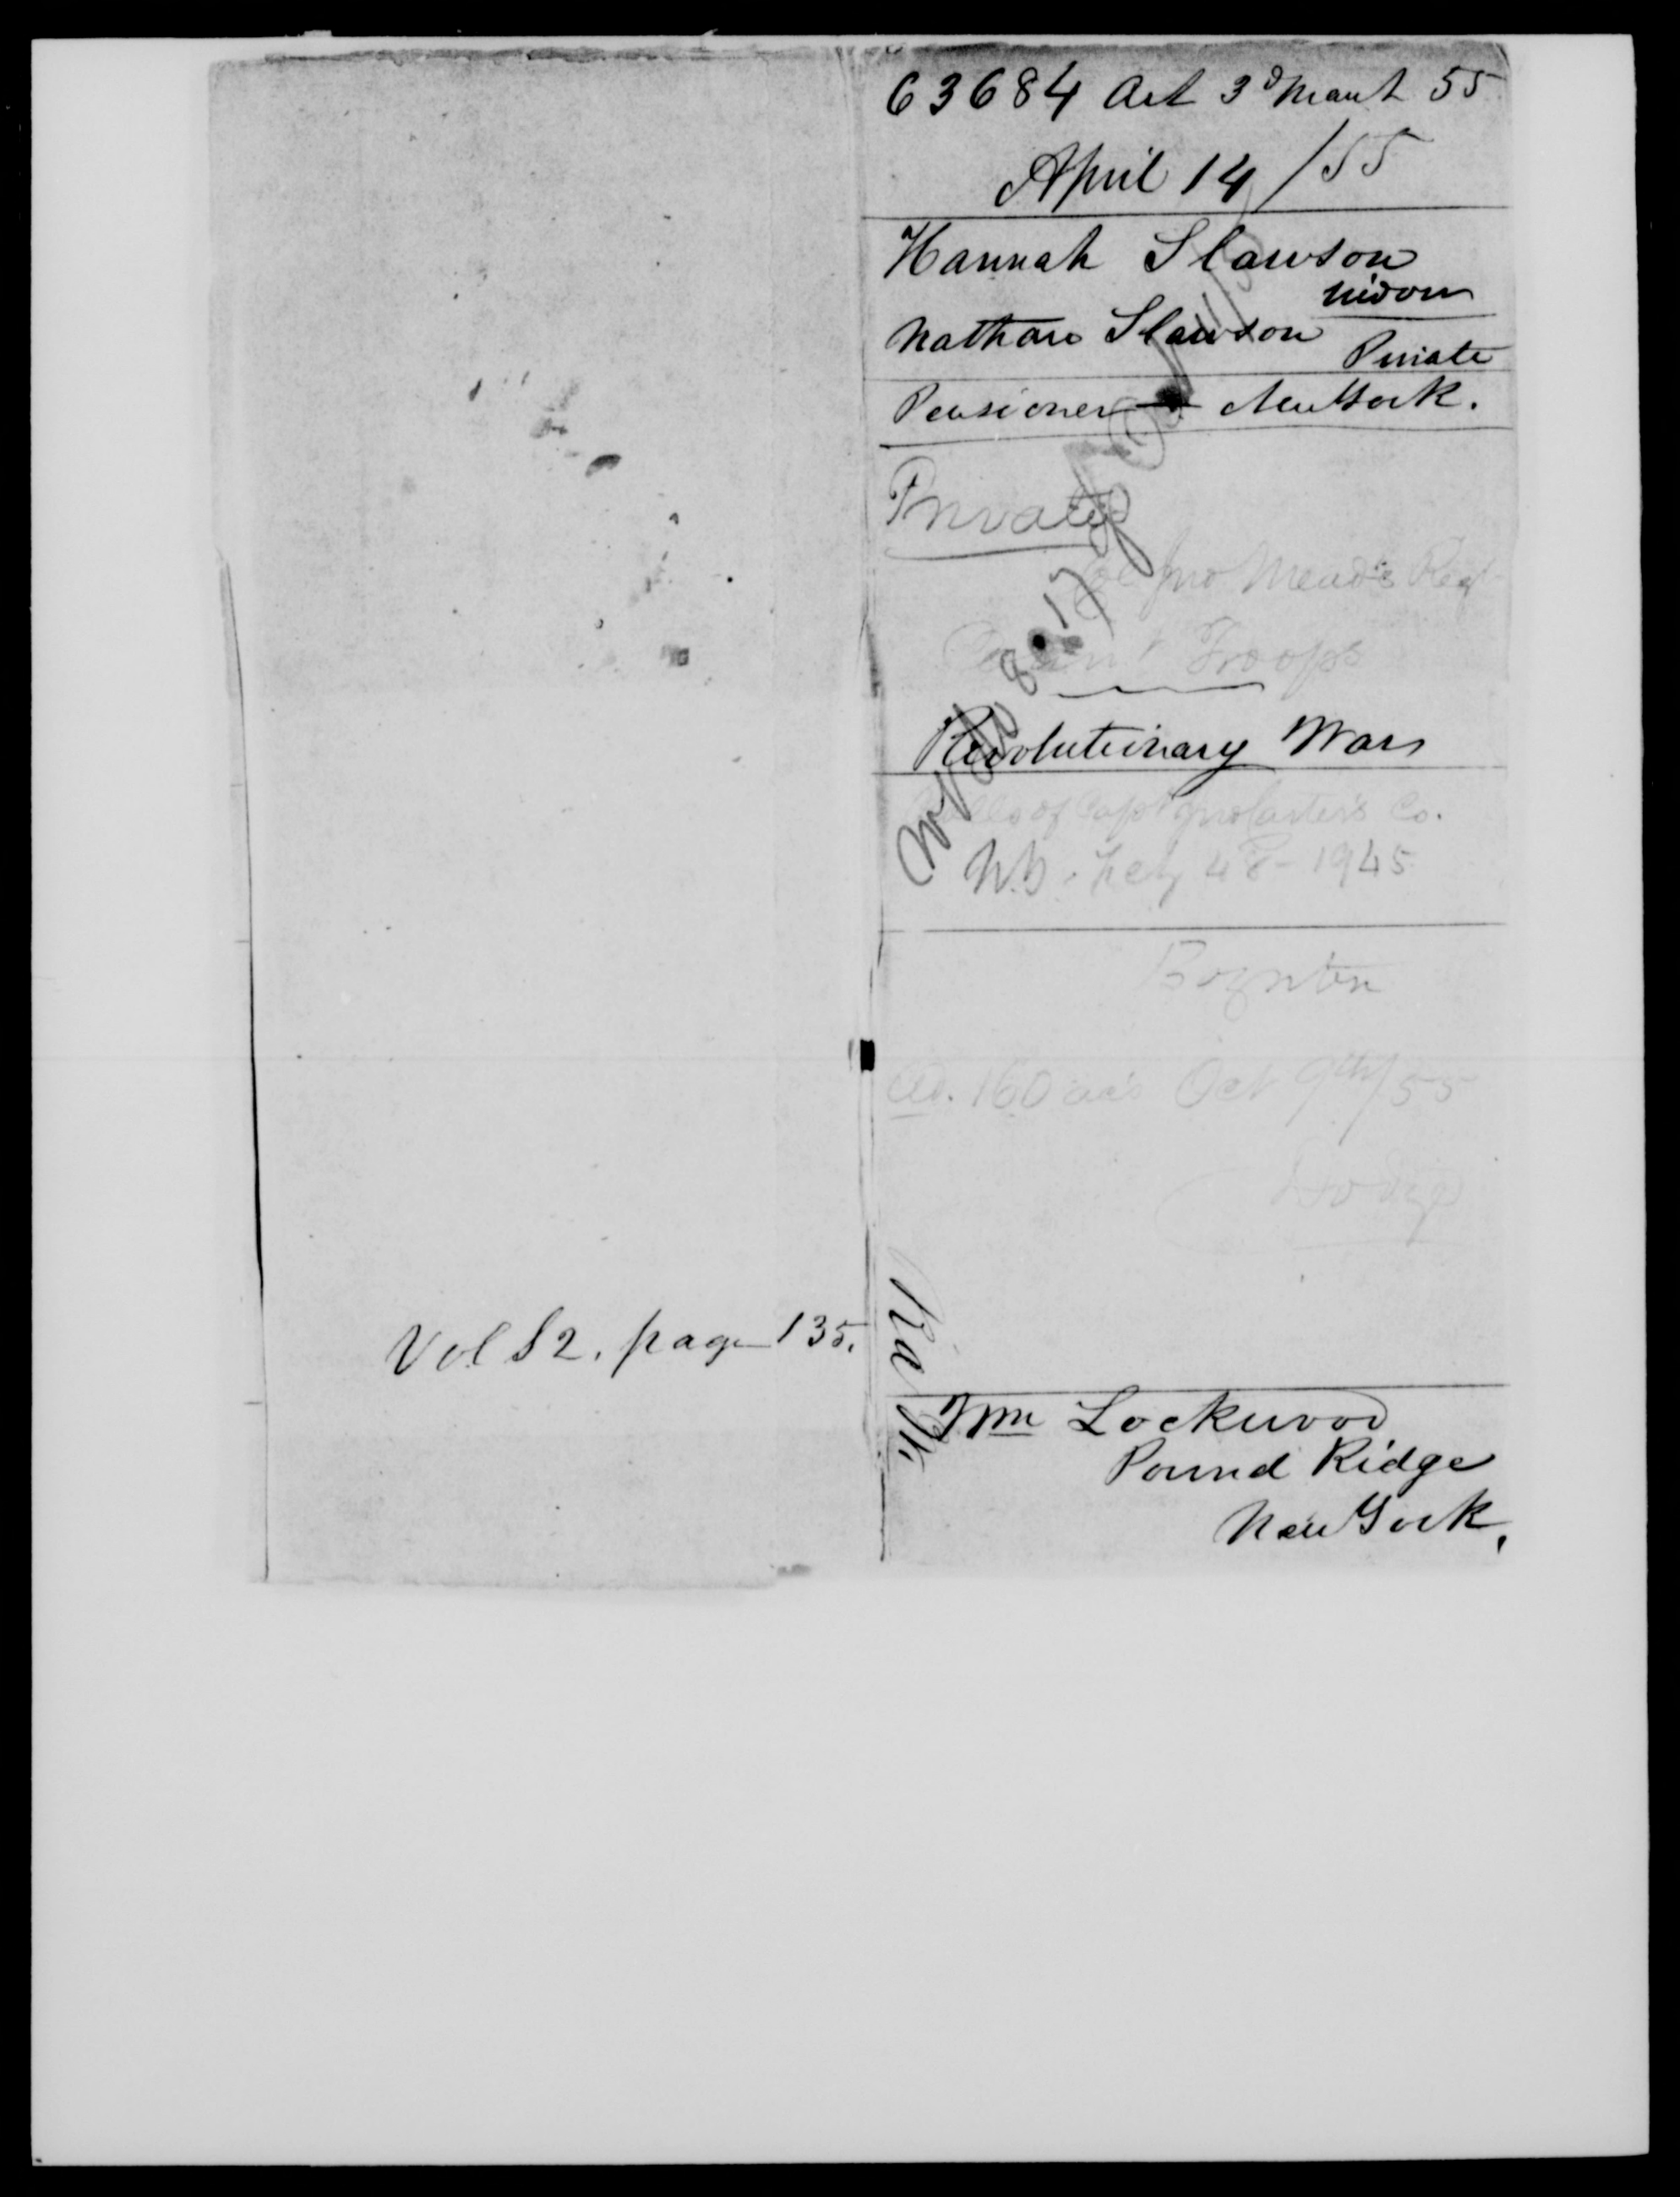Vol S2 page 135.
63684 Act 3d March 55 
April 14 / 55 
Hannah Slawson Widow Nathan Slawson Private 
Pensioner New York 
Private 
Col. Jno Mead's Reg Conn’t Troops – 
Revolutionary War 
[unreadable]  8 17 [unreadable] Oct 11 / 55
Rolls of Capt Jno Carter’s Co.
WB. Feby 48 – 1945
Boynton
Ad 160 acres Oct 9th / 55
Dodge
Wm Lockwood 
Pound Ridge New York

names: Hannah Slawson; Jno Mead; Nathan Slawson; Wm Lockwood; [BLANK] Boynton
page: 19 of 87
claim: widow's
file: W. 22,226, for Nathan Slawson, Connecticut